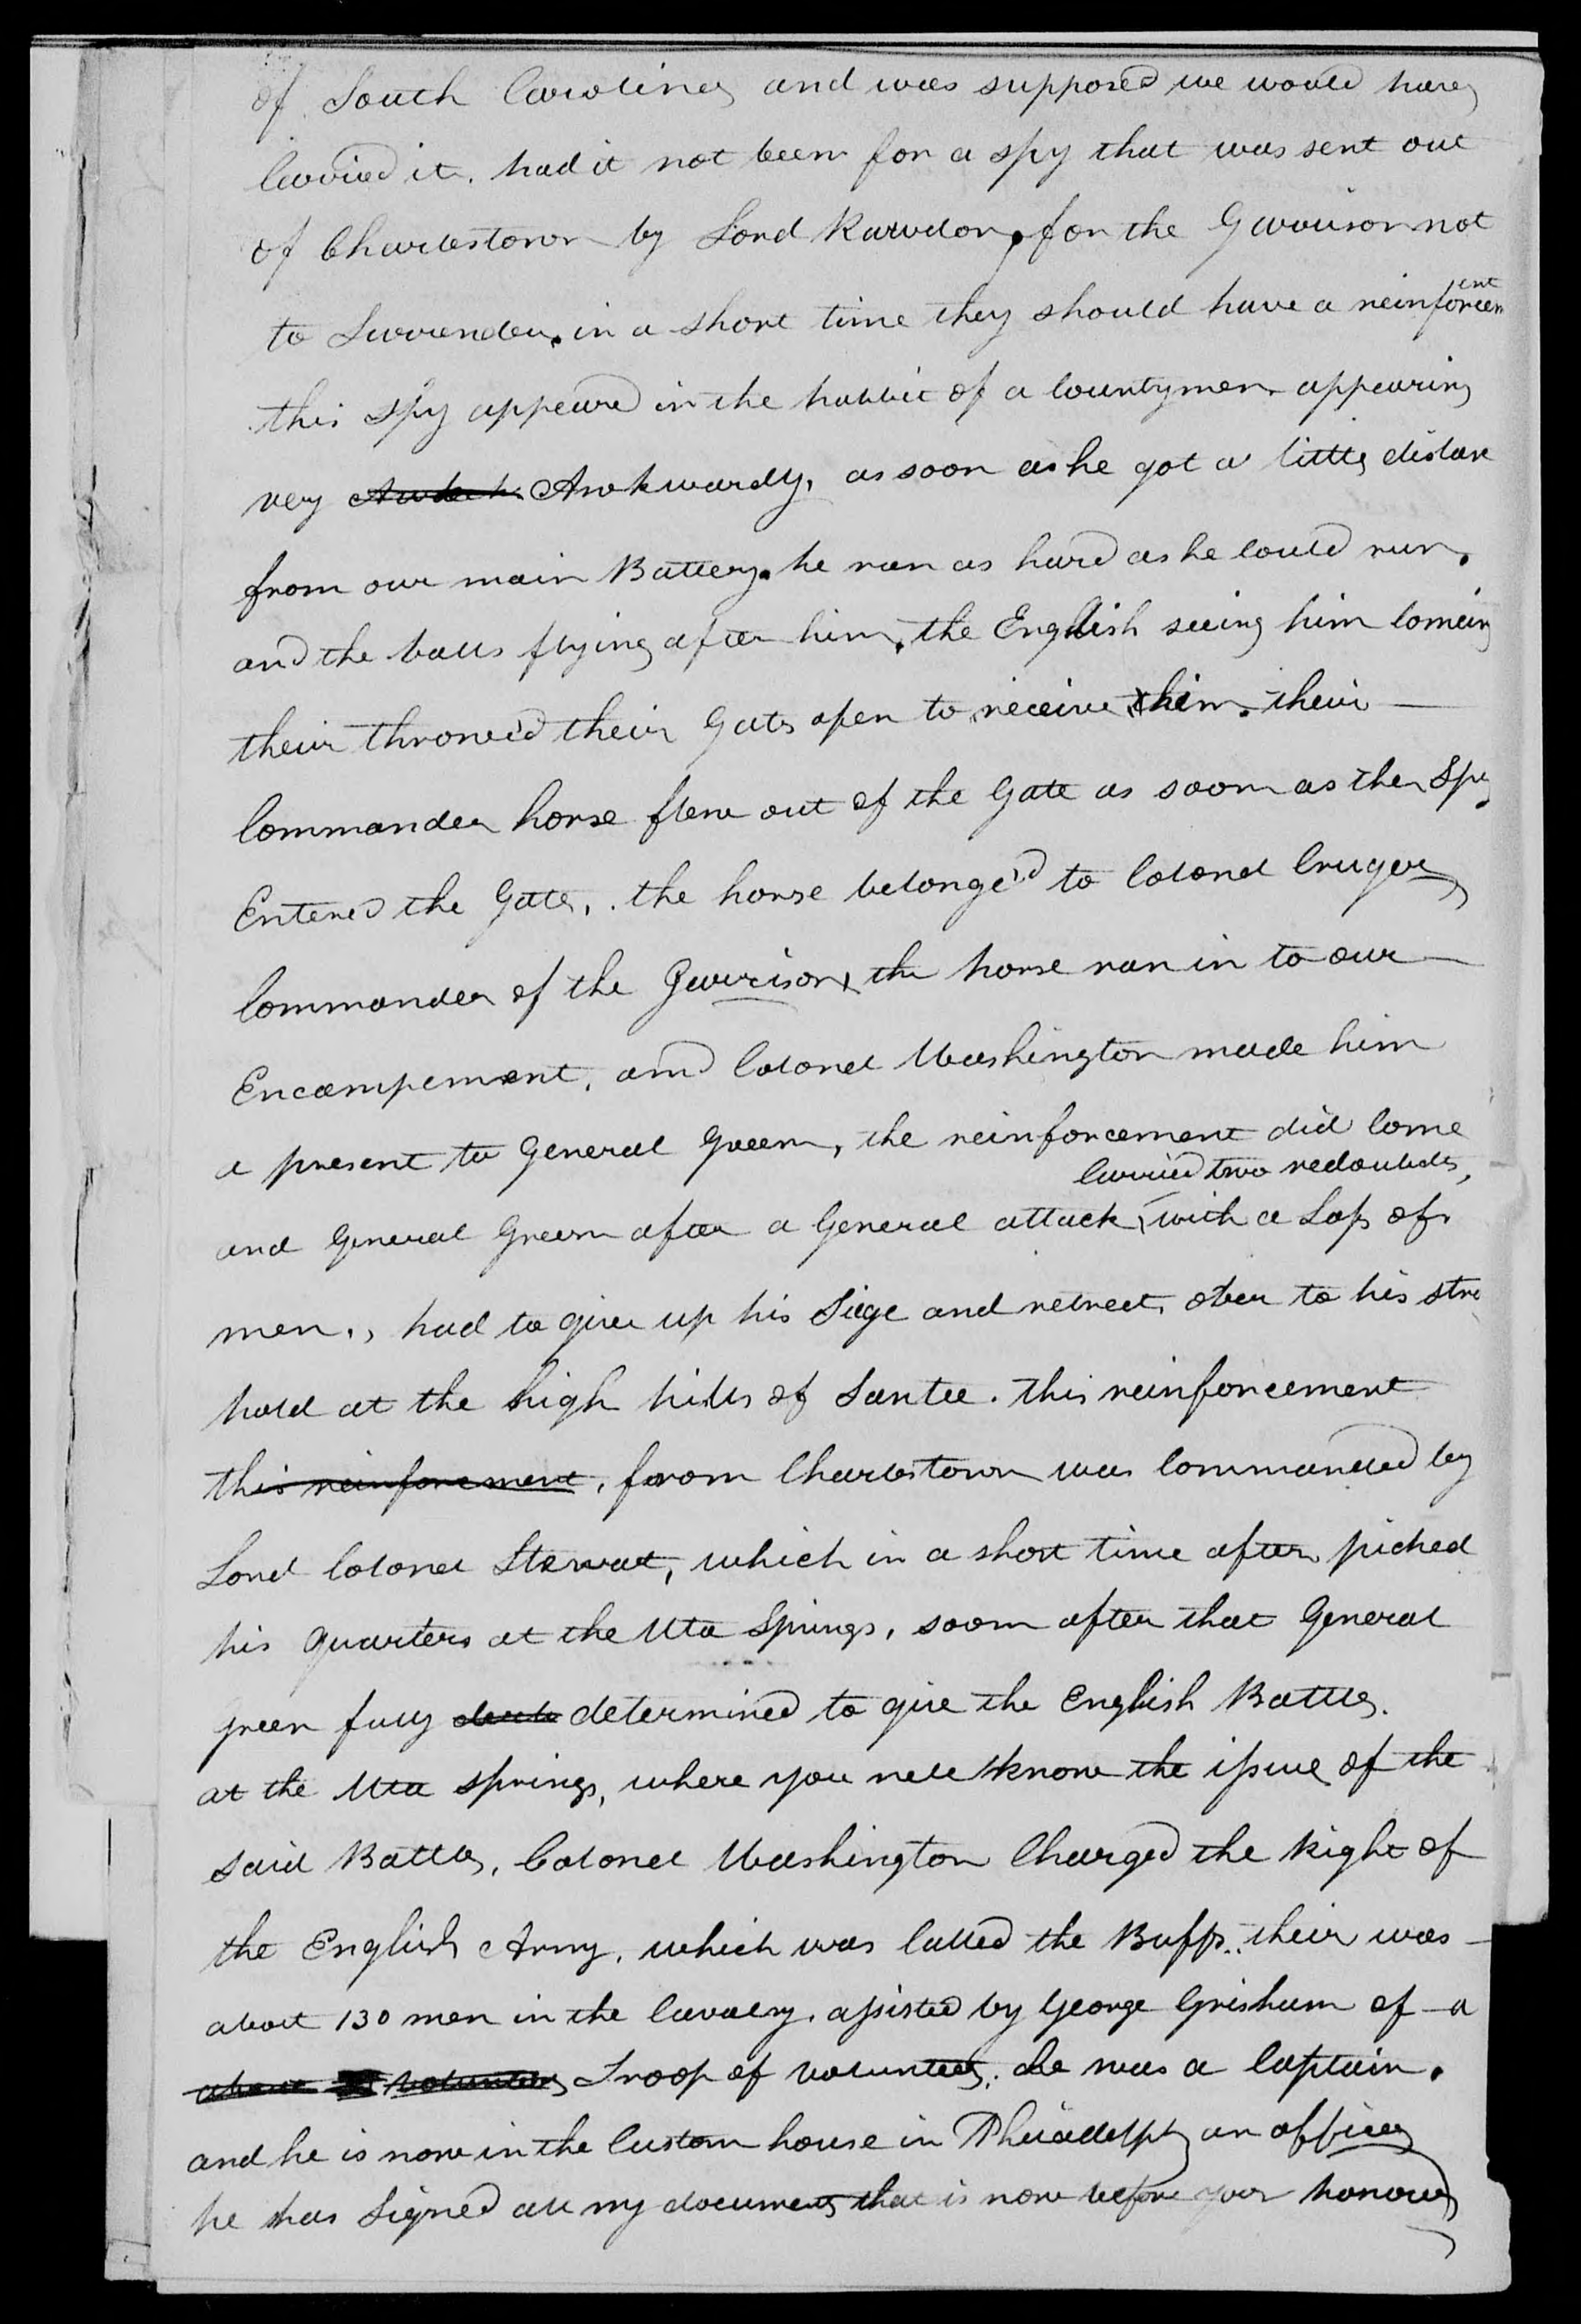Of South Carolina and was supposed we would have, leveled it, had it not been for a spy that was sent out of Charlestown by Lord Randon for garrison not to surrender, in a short time they should have reinforcements. This spy appeared in the habit of countrymen appearance, very awkwardly, as soon as he got a little distance from our main battery. He ran as hard as he could run and the balls falling after him, the English seeing him lowering their [Illegible]. Their commander horse flew out of the gate as soon as the spy entered the gate, the horse belonged to Col. Cruger, commander of the garrison, the horse ran into our encampment and Col. Washington made him a present to General Greene. The reinforcement did come and General Greene after a general attack with a lot of men, had to give his siege and retreat back to his stronghold at the high hills of Santee. This reinforcement from Charlestown was commanded by Lord Colonel Stewart, which in a short time after picked his quarters at the Eutaw Springs, soon after that General Greene fully determined to give the English battles at the Eutaw Springs, where you will know more about the outcome of said battles. Col. Washington charged the right of the English Army, which was called into battle of about 130 men in the cavalry assisted by George Grisham of a troop of volunteers. He was much a Captain and he is now in the custom house in Philadelphia an office he has signed on my documents there is now before your honor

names: Green, Cruger, Washington, Green, Washington, Stewat, Green, George Grisham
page: 41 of 51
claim: widow's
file: W 8939, George Hood, Continental Va.